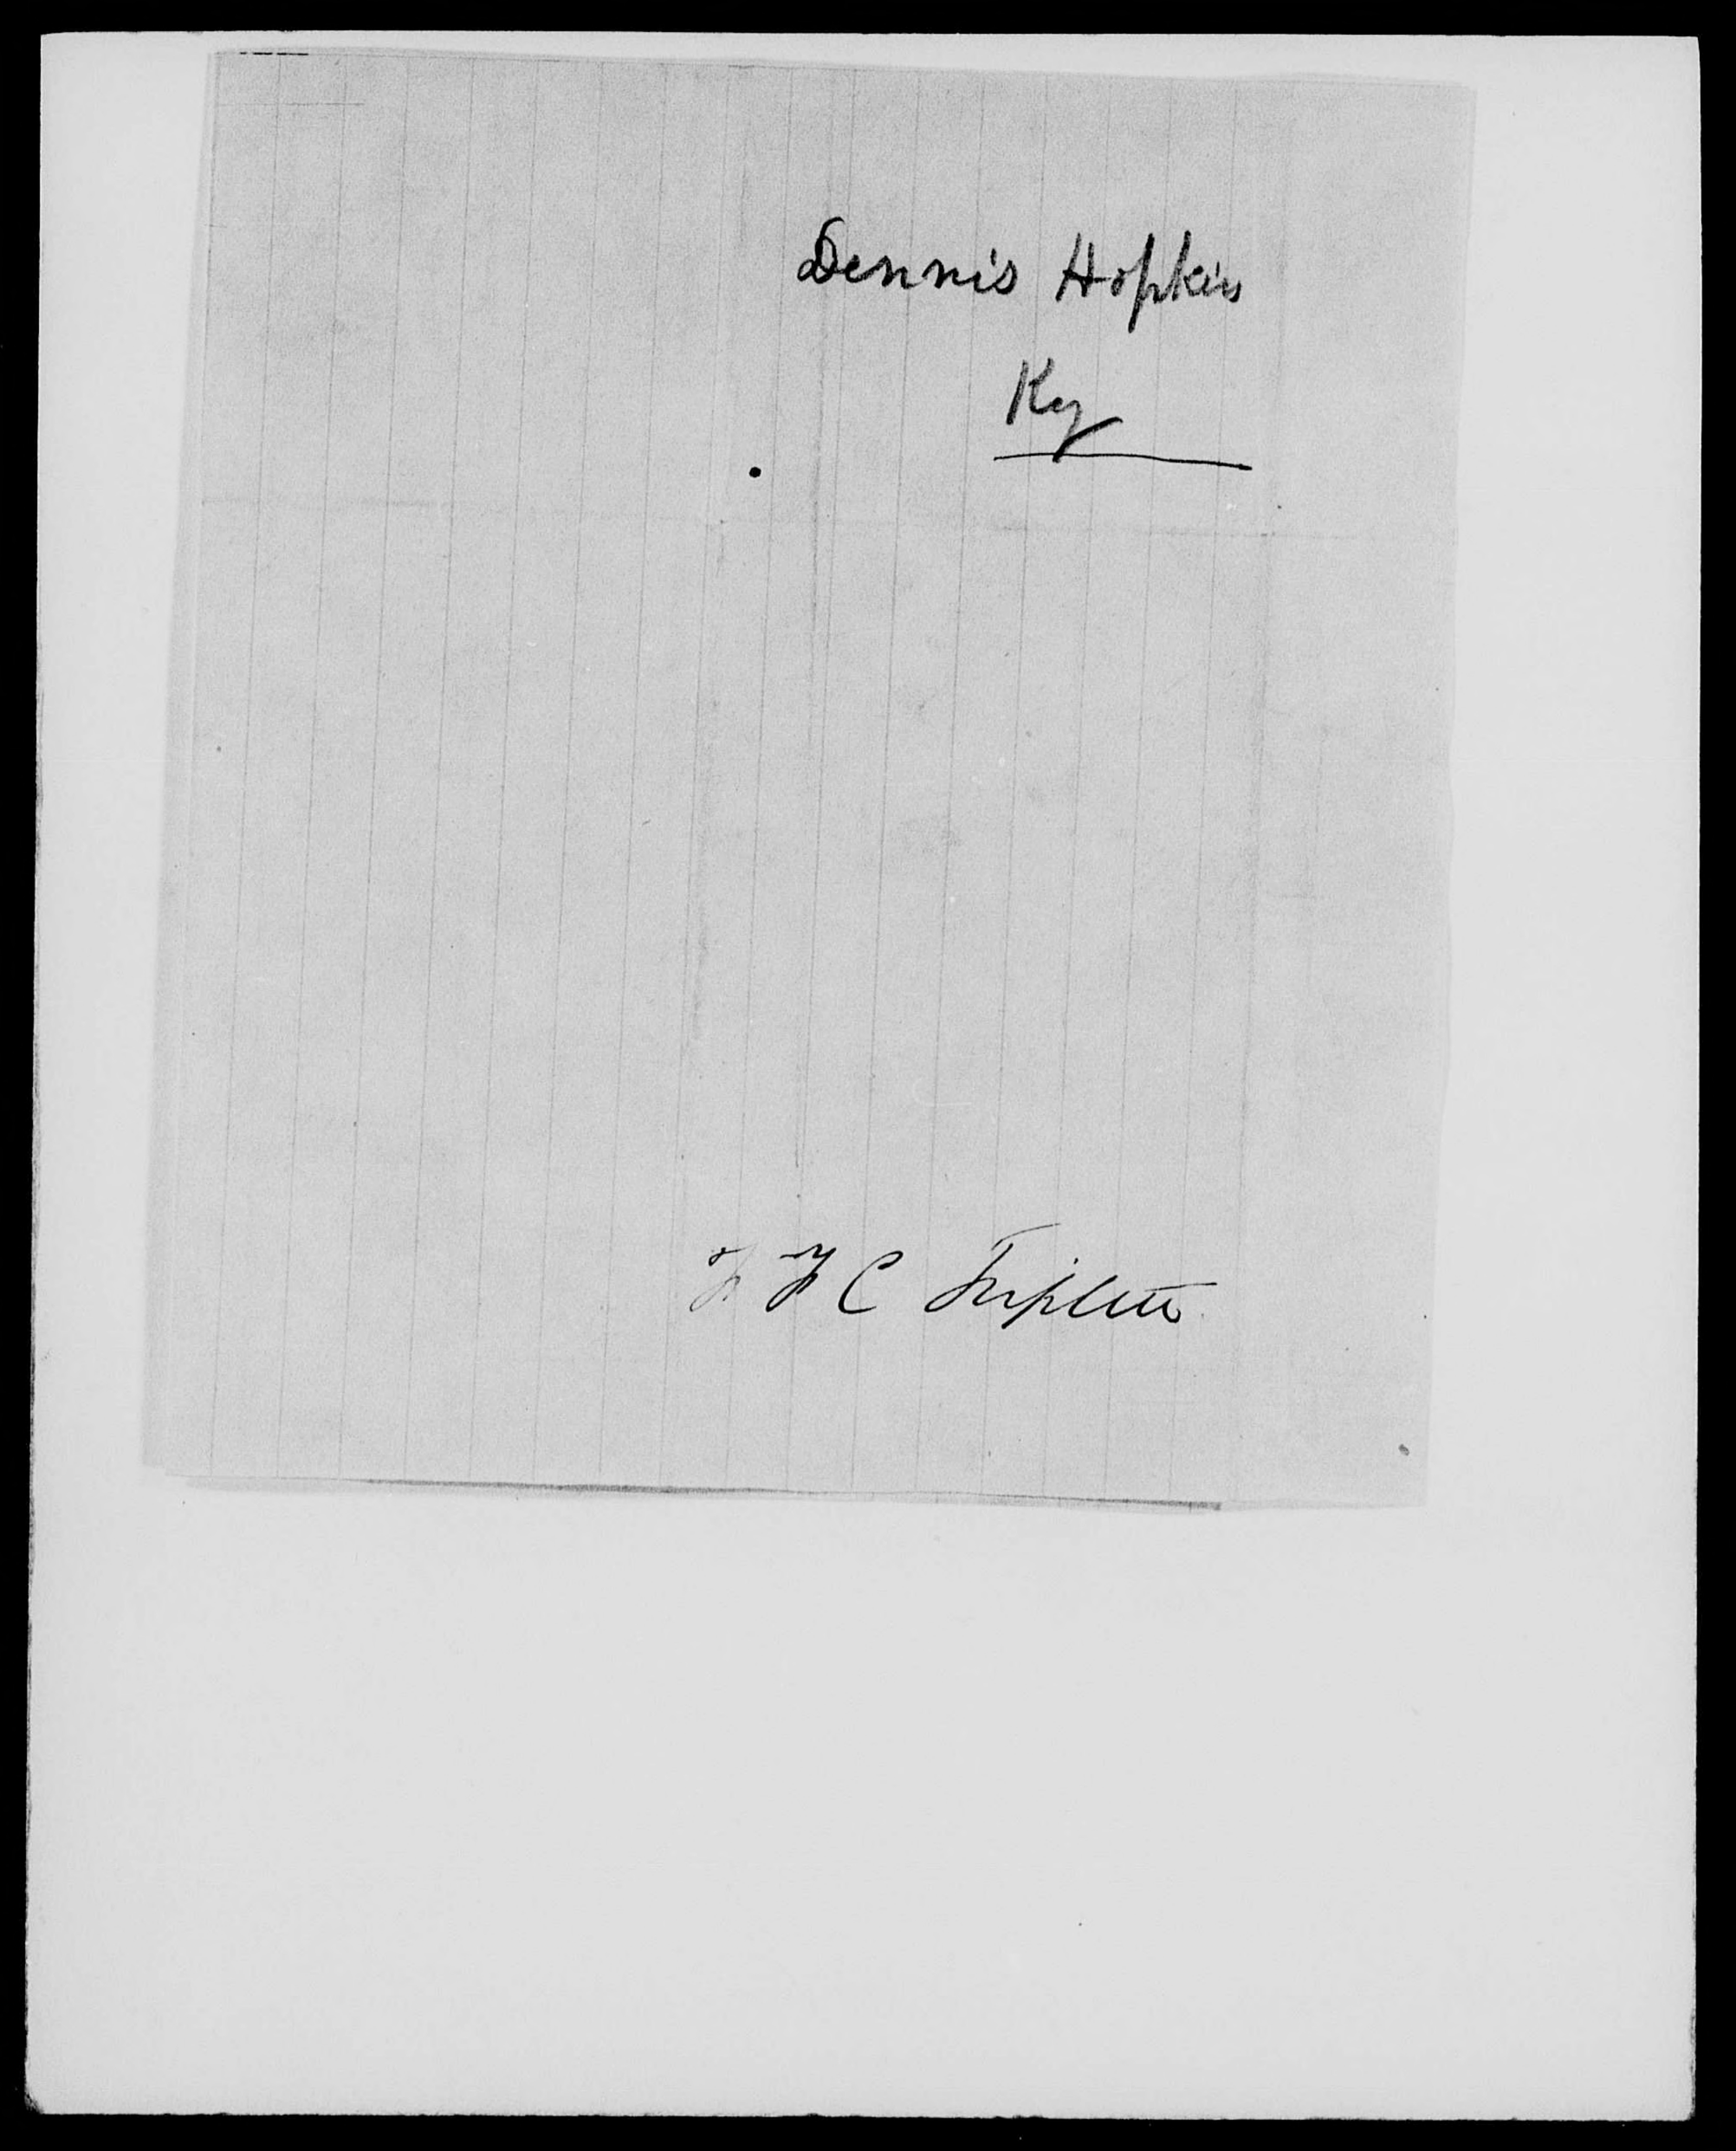Dennis Hopkins
Ky

F F C Triplett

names: F F C Triplett, Dennis Hopkins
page: 8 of 144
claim: rejected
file: R. 5208, Dennis Hopkins, N.C.